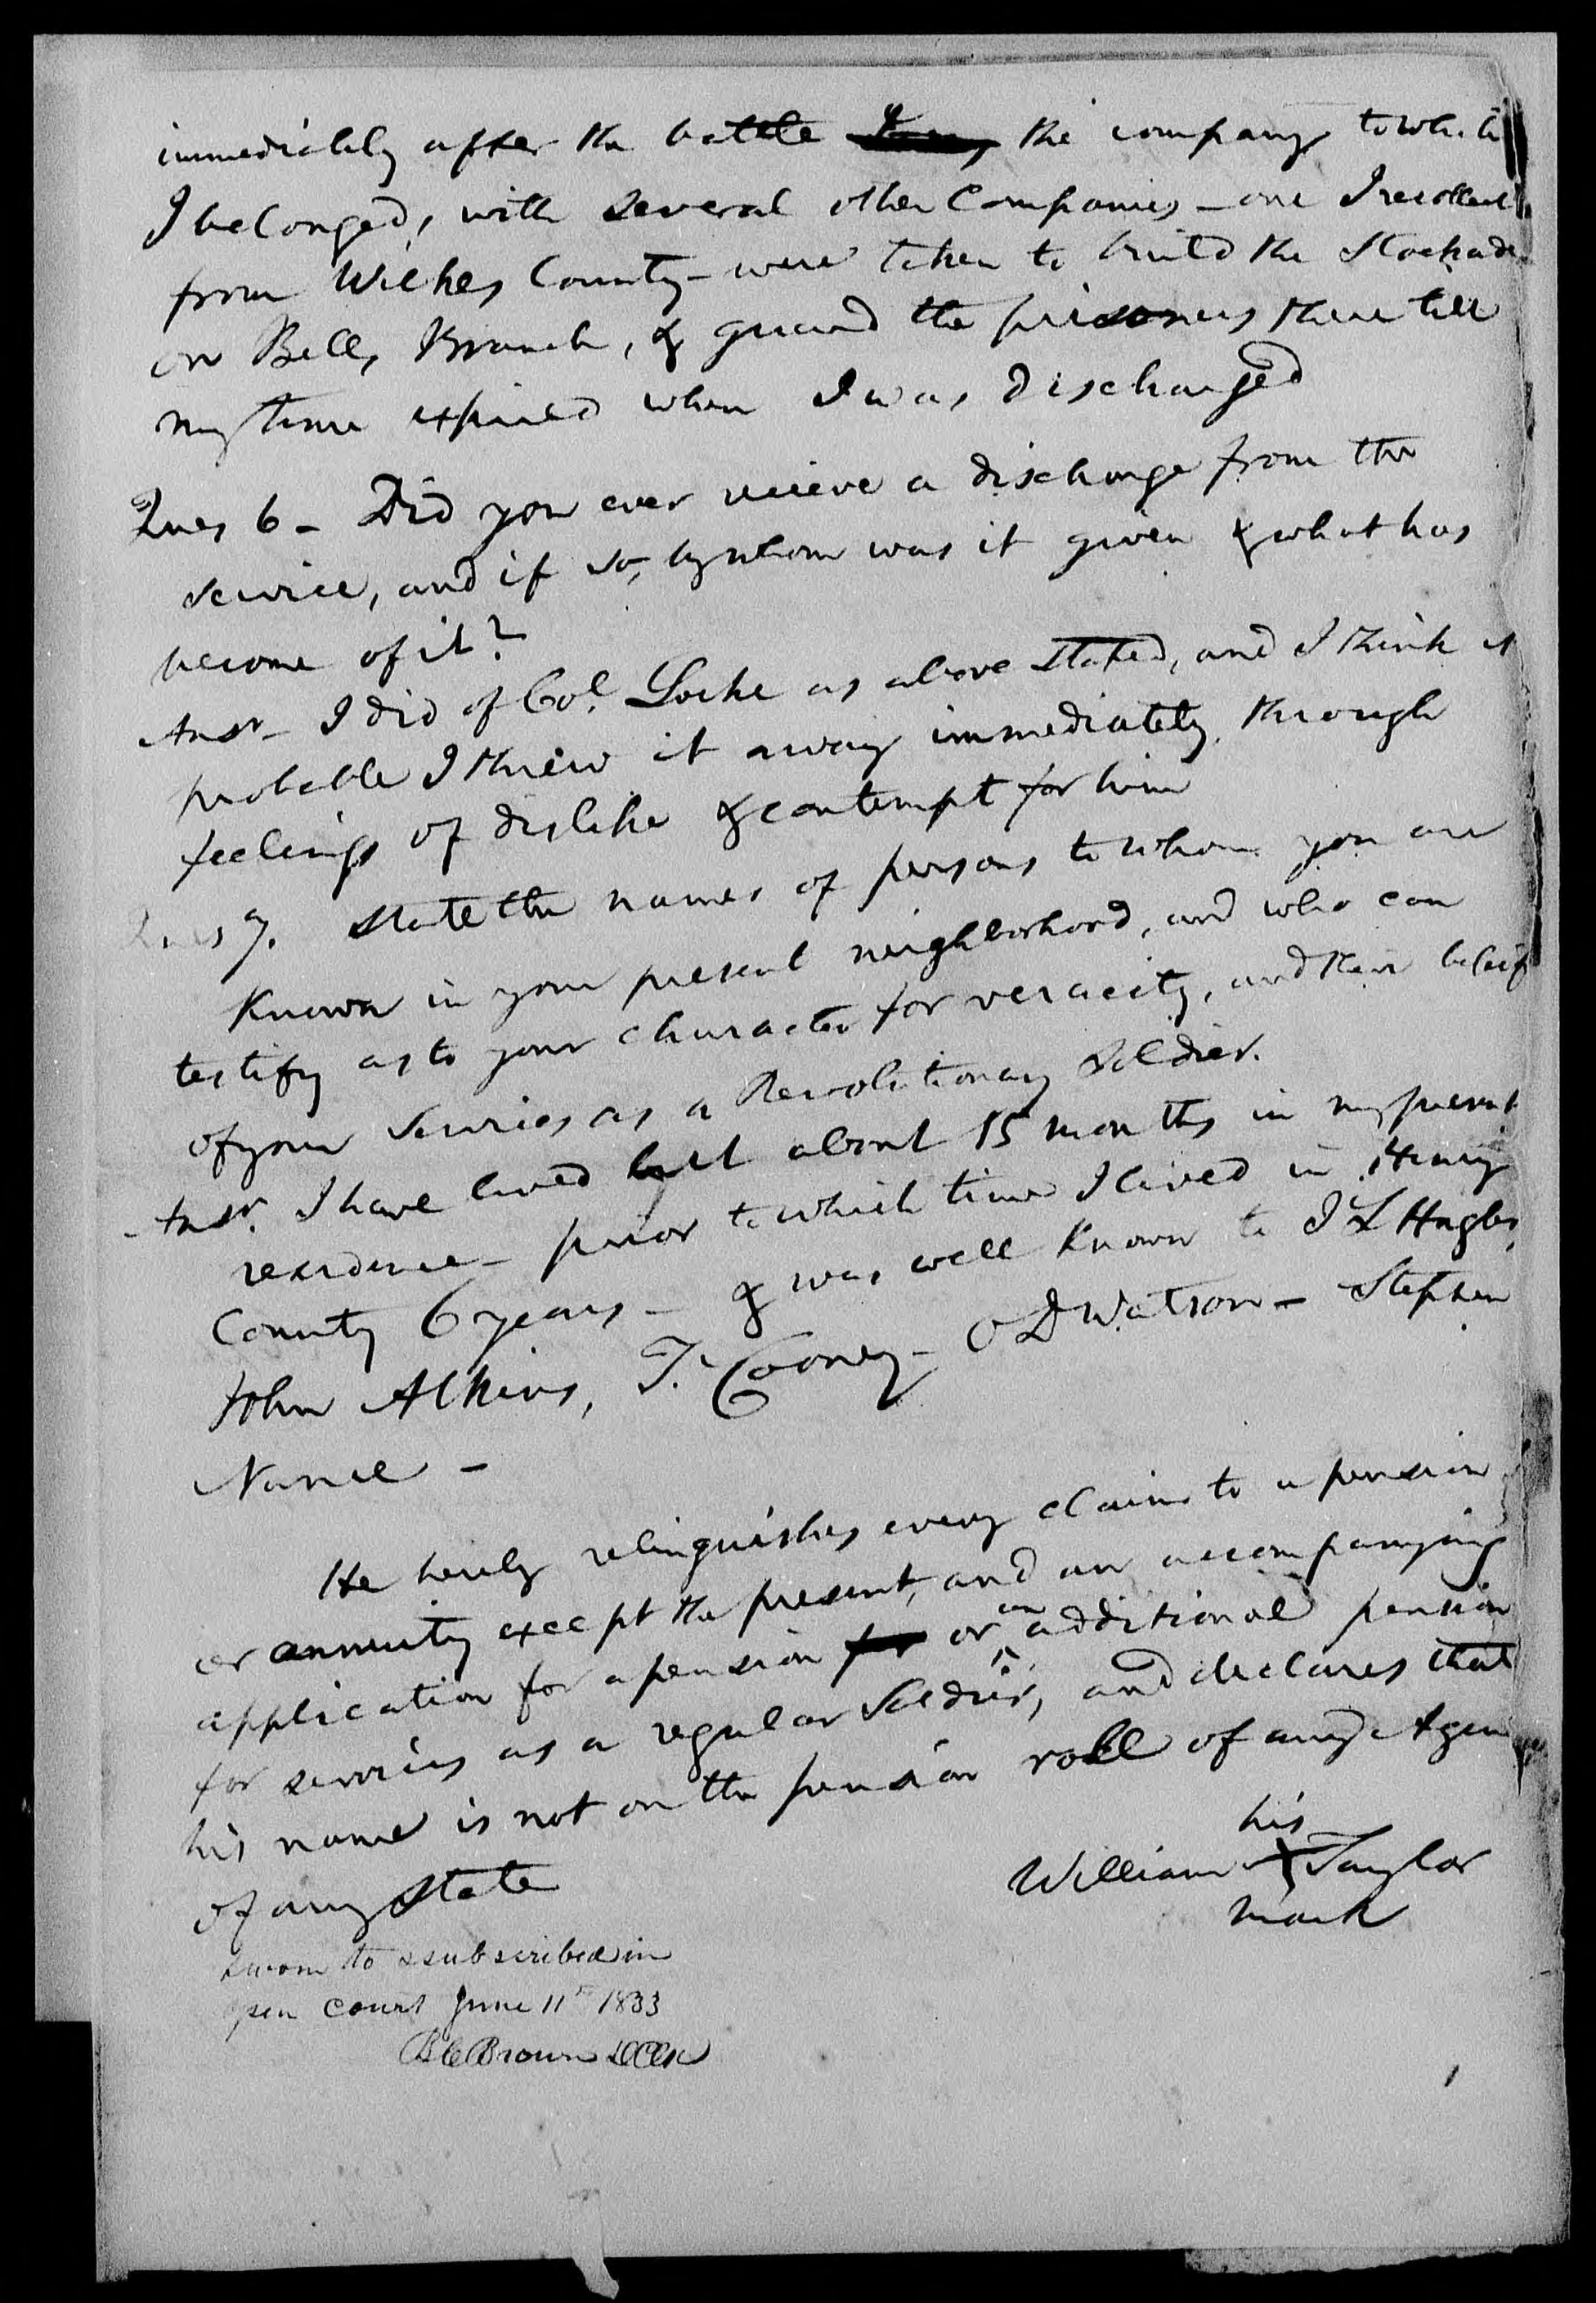immediately after the battle the company to which I belonged, with several other companies - one I recollect from Wilkes County - were taken to build the stockade on Bells Branch, & guard the prisoners there till my time expired when I was discharged
Ques 6. Did you ever receive a discharge from the service, and if so, by whom was it given & what has become of it? Ansr. I did of Col Locke as above stated, and I think it probable I threw it away immediately through feelings of dislike & contempt for him
Ques 7. State the names of persons to whom you and known in your present neighborhood, and who can testify as to your character for veracity, and their belief of your services as a Revolutionary solder. Ansr. I have lived but about 15 months in my present residence - prior to which time I lived in Henry County 6 years & was well known to J L Hughes, John Atkins, T. Cooney, O D Watson, Stephen Nance.
He hereby relinquishes every claim to a pension or annuity except the present, and an accompanying application for a pension or an additional pension for services as a regular Soldier, and declares that his name is not on the pension roll of any Agency of any State.
William Taylor his mark X
Sworn to & subscribed in open Court June 11th 1833
B C Brown DClk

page: 18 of 33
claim: rejected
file: R 10439, for William Taylor, North Carolina